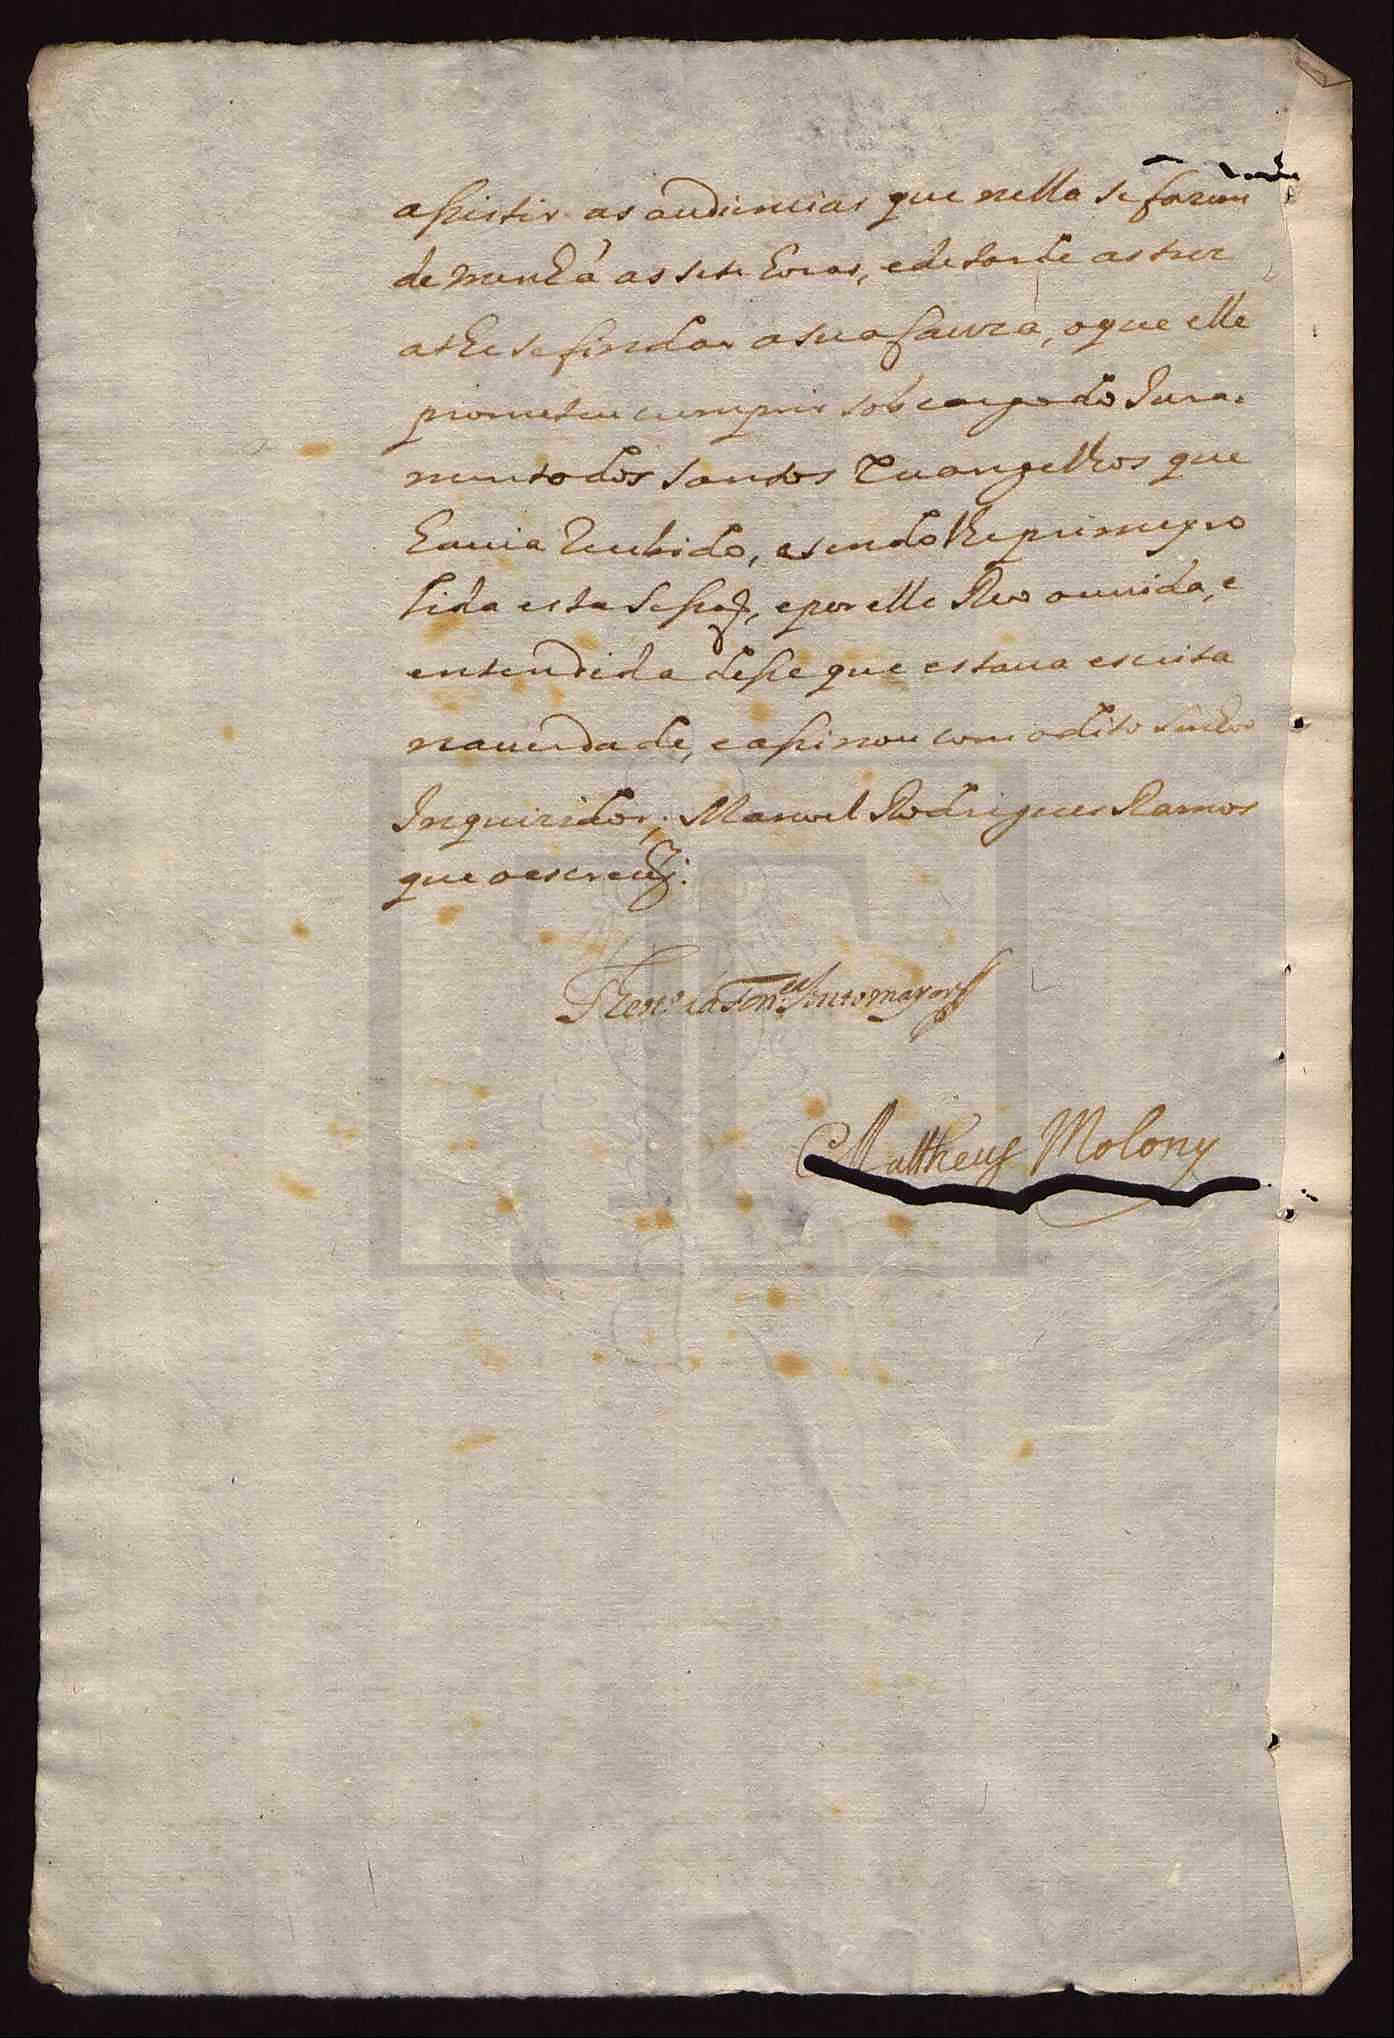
assistir as audiencias que nella se fazem
de manhã as sete horas, e de tarde as trez
athe se findar a sua Cauza, o que elle
prometeu cumprir sob cargo do Iura
mento dos santos Euangelhos que
hauia Recebido, e sendolhe primeyro
lida esta Sessaõ, e per elle Reo ouuida, e
entendida disse que estaua escrita
na uerdade, e assinou com o dito senhor
Inquizidor Manoel Rodrigues Ramos
que o escreuj.
Theot.o da Fon.ca Soutomayor
Matheus Molony
